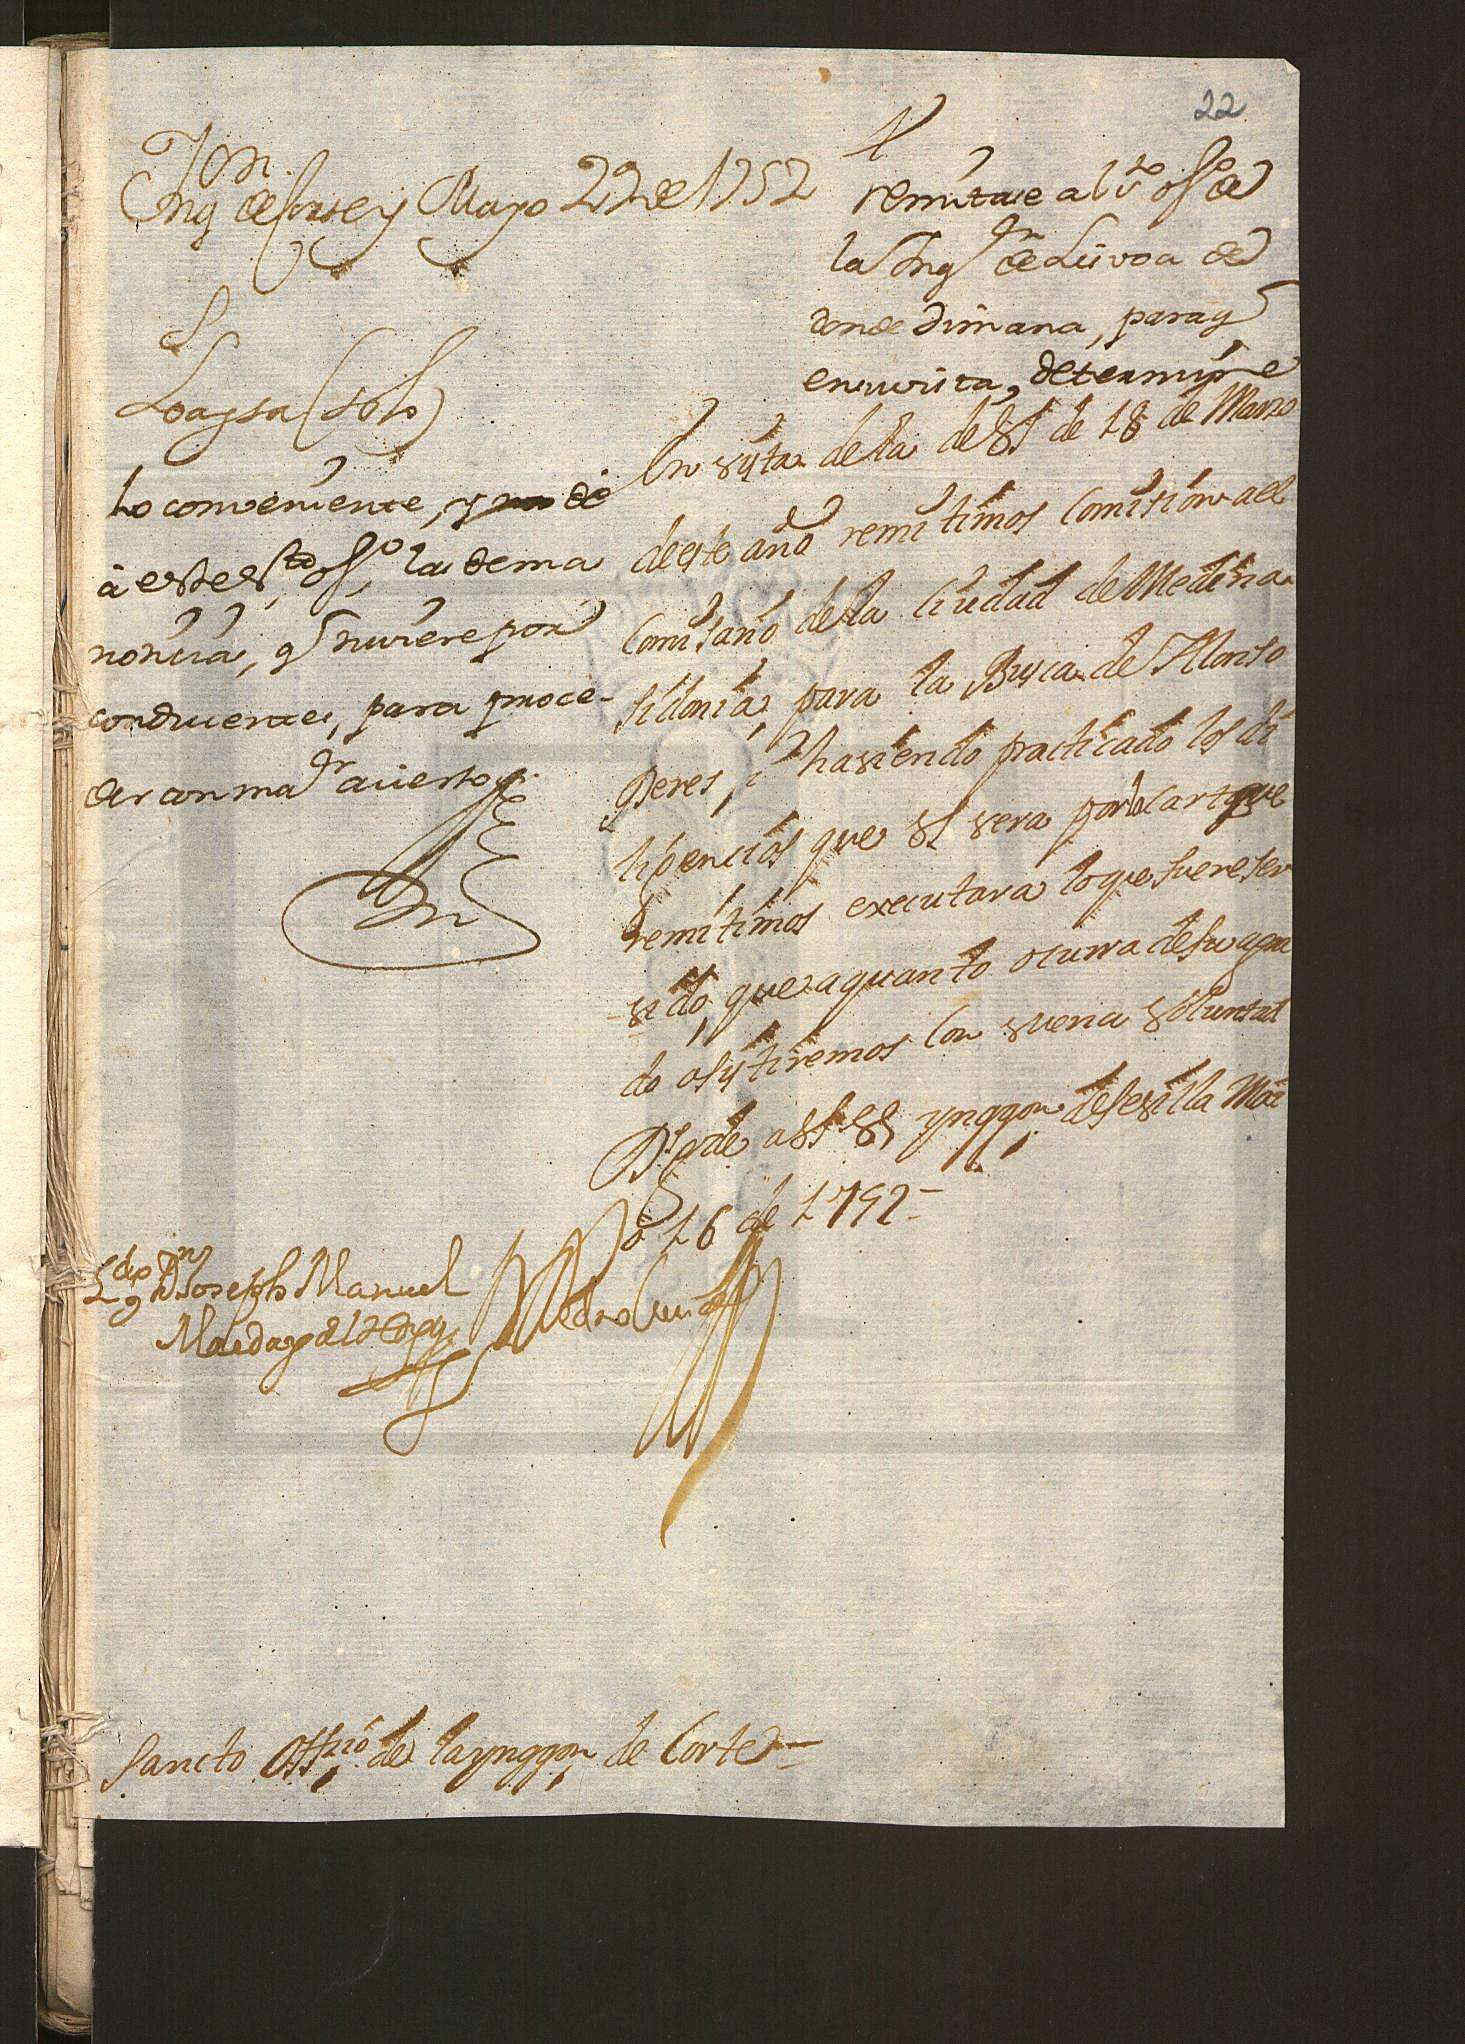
Inqon de Corte y Mayo 29 de 1752
remitase al sto of.o de
la Inqon de Lisvoa de
donde dimana, para q̄
en su vista, determine
Loaysa (solo)
lo conveniente, y _ de
à este S.to of.o las demas
noticias, q̄ tuviere por
conducentes, para proce
der con maor acierto
Lydo Dn Iozeph Manuel
Maeda y del Hoyo
Pedro Curiel
Sancto Off.sso de la ynqqon de Corte
En vista de las de V S de 18 de Marzo
de este año remitimos comition all
Comisario de la Ciudad de Medina
Sidonia, para la Busca de Alonso
Peres, i haviendo praticado las di
ligencias que V S vera por la carta que
remitimos executara lo que fuere ser
vido, que a quanto ocurra de su agra
do asistiremos Con vuena Voluntad
Ds. gde a VS VS ynqqon de Sevilla Mai
o 16 de 1752.
